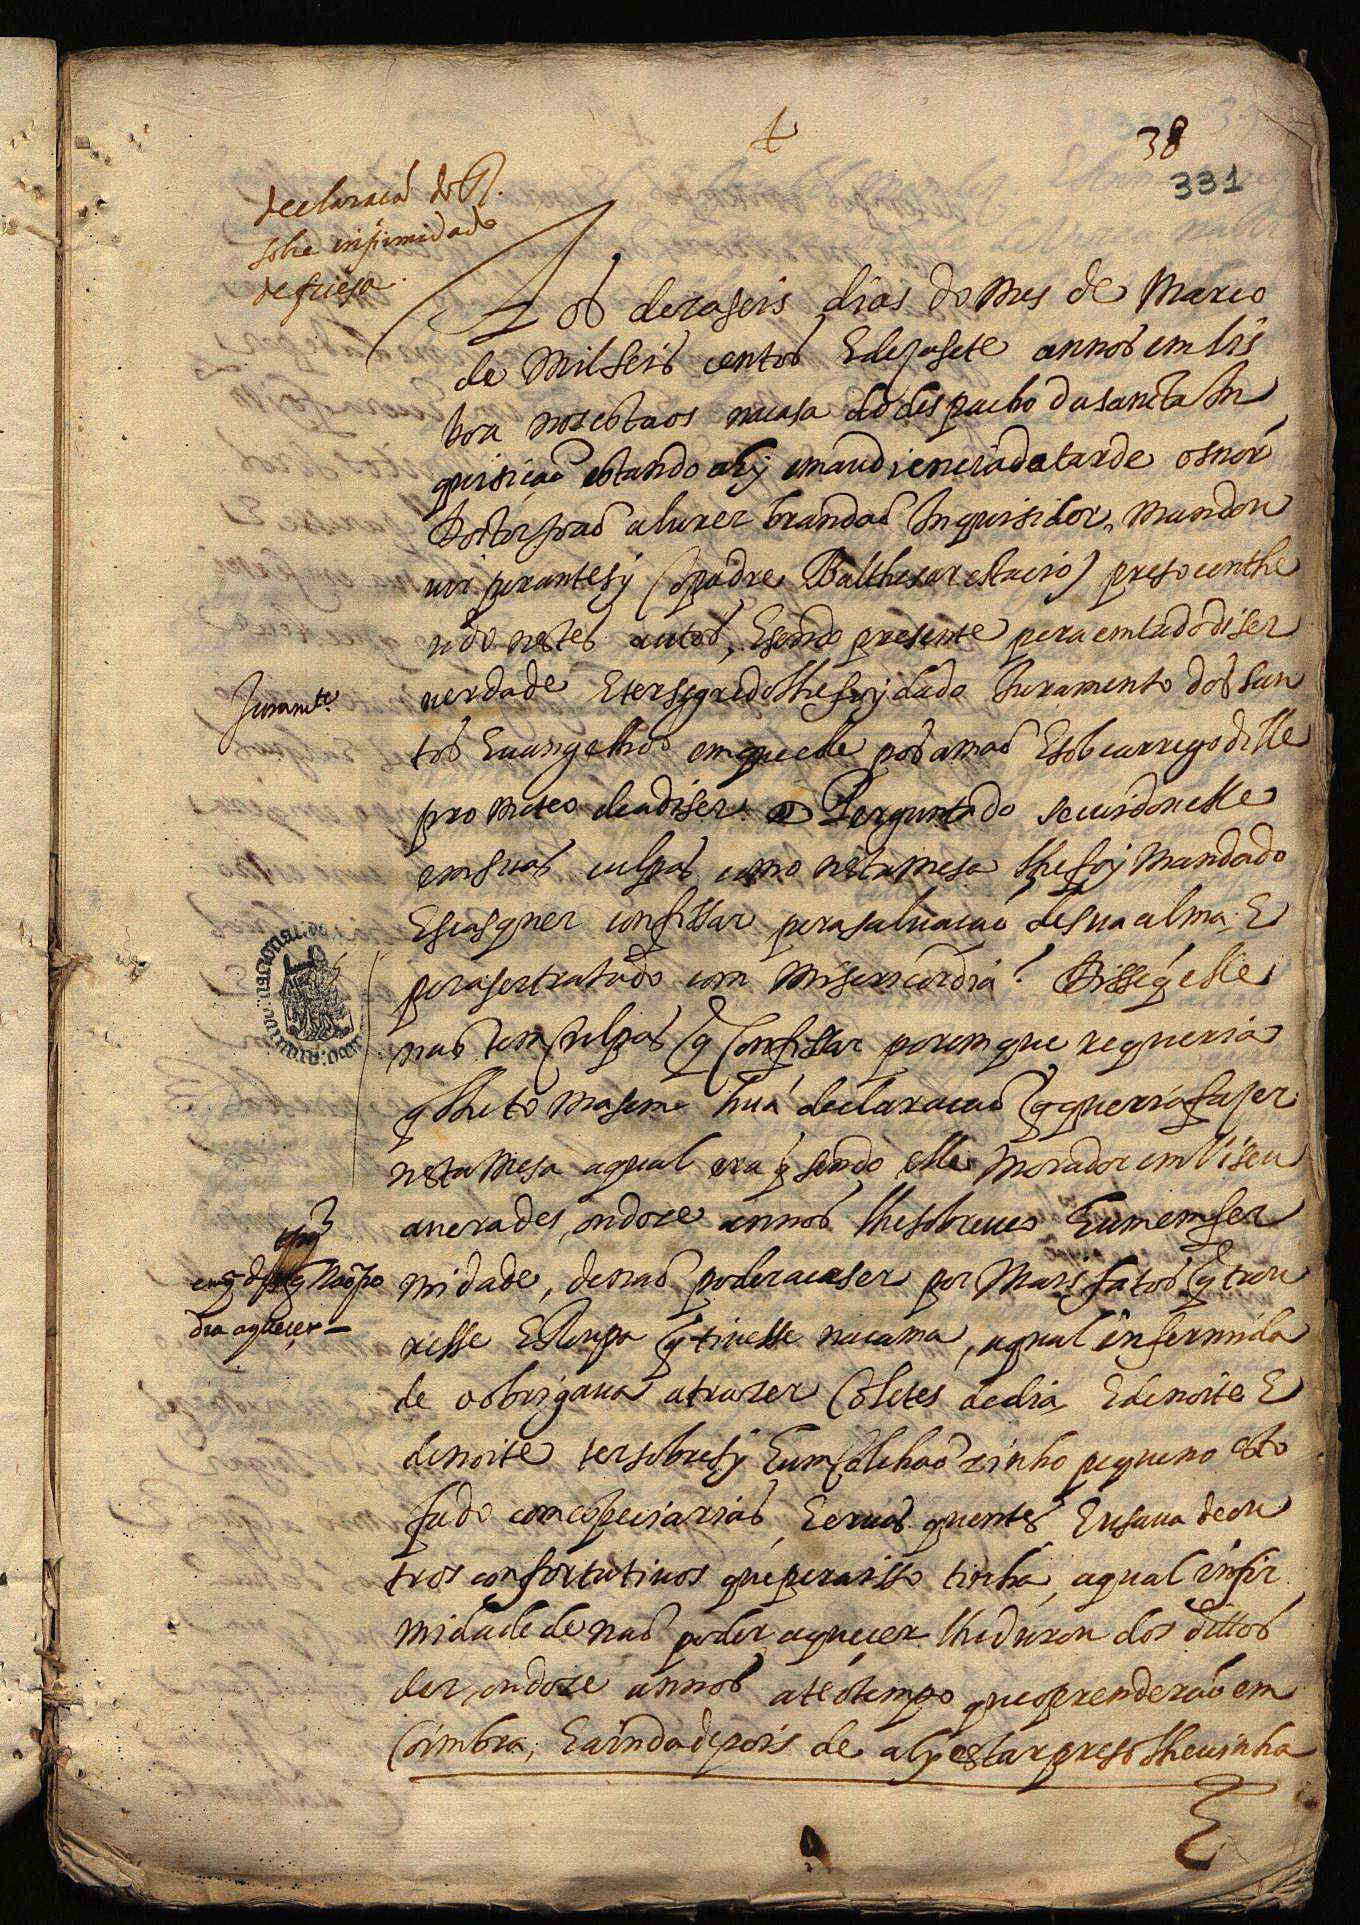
Aos dezaseis dias do mes de Marco
de mil seiscentos e dezasete annos em Lis
boa nos estaos na casa do despacho da sancta In
quisição estando ahy em audiencia da tarde o s̄nor
Doctor João Alvrez brandão, Inquisidor, mandou
vir perante sy / o padre Balthesar Estacio / preso conthe
udo nestes autos, e sendo presente pera em tudo diser
Juram.to verdade e ter segredo lhe foy dado Juramento dos San
tos Euangelhos em que elle pos a mão e sobcarrego delle
prometeo de a diser / Perguntado se cuidou elle
em suas culpas como nesta mesa lhe foy mandado
e se as quer confessar pera salvação de sua alma e
pera ser tratado com misericordia /. Disse q̄ elle
não tem Culpas q̄ confessar porem que requeria
q̄ lhe tomasem hūa /declaraçaõ q̄ queria fazer
nesta mesa a qual era q̄ sendo elle morador em Viseu
avera des, ou doze annos lhe sobreveo hum emfer
midade, de não poder acaser por mais fatos q̄ trou
xesse e Roupa q̄ tivesse na cama, a qual enfermida
de o obrigava a trazer Coletes de dia, e de noite e
de noite ter sobre sy hum Colchaõzinho pequeno esto
fado com especiarias, hervas quentes e usava de ou
tros confortativos que pera isso tinha, a qual enfir
midade de não poder aqueçer lhe durou dos dittos
dez, ou doze annos ate o tempo que o prenderão em
Coimbra, e ainda depois de aly estar preso lhe vinha
